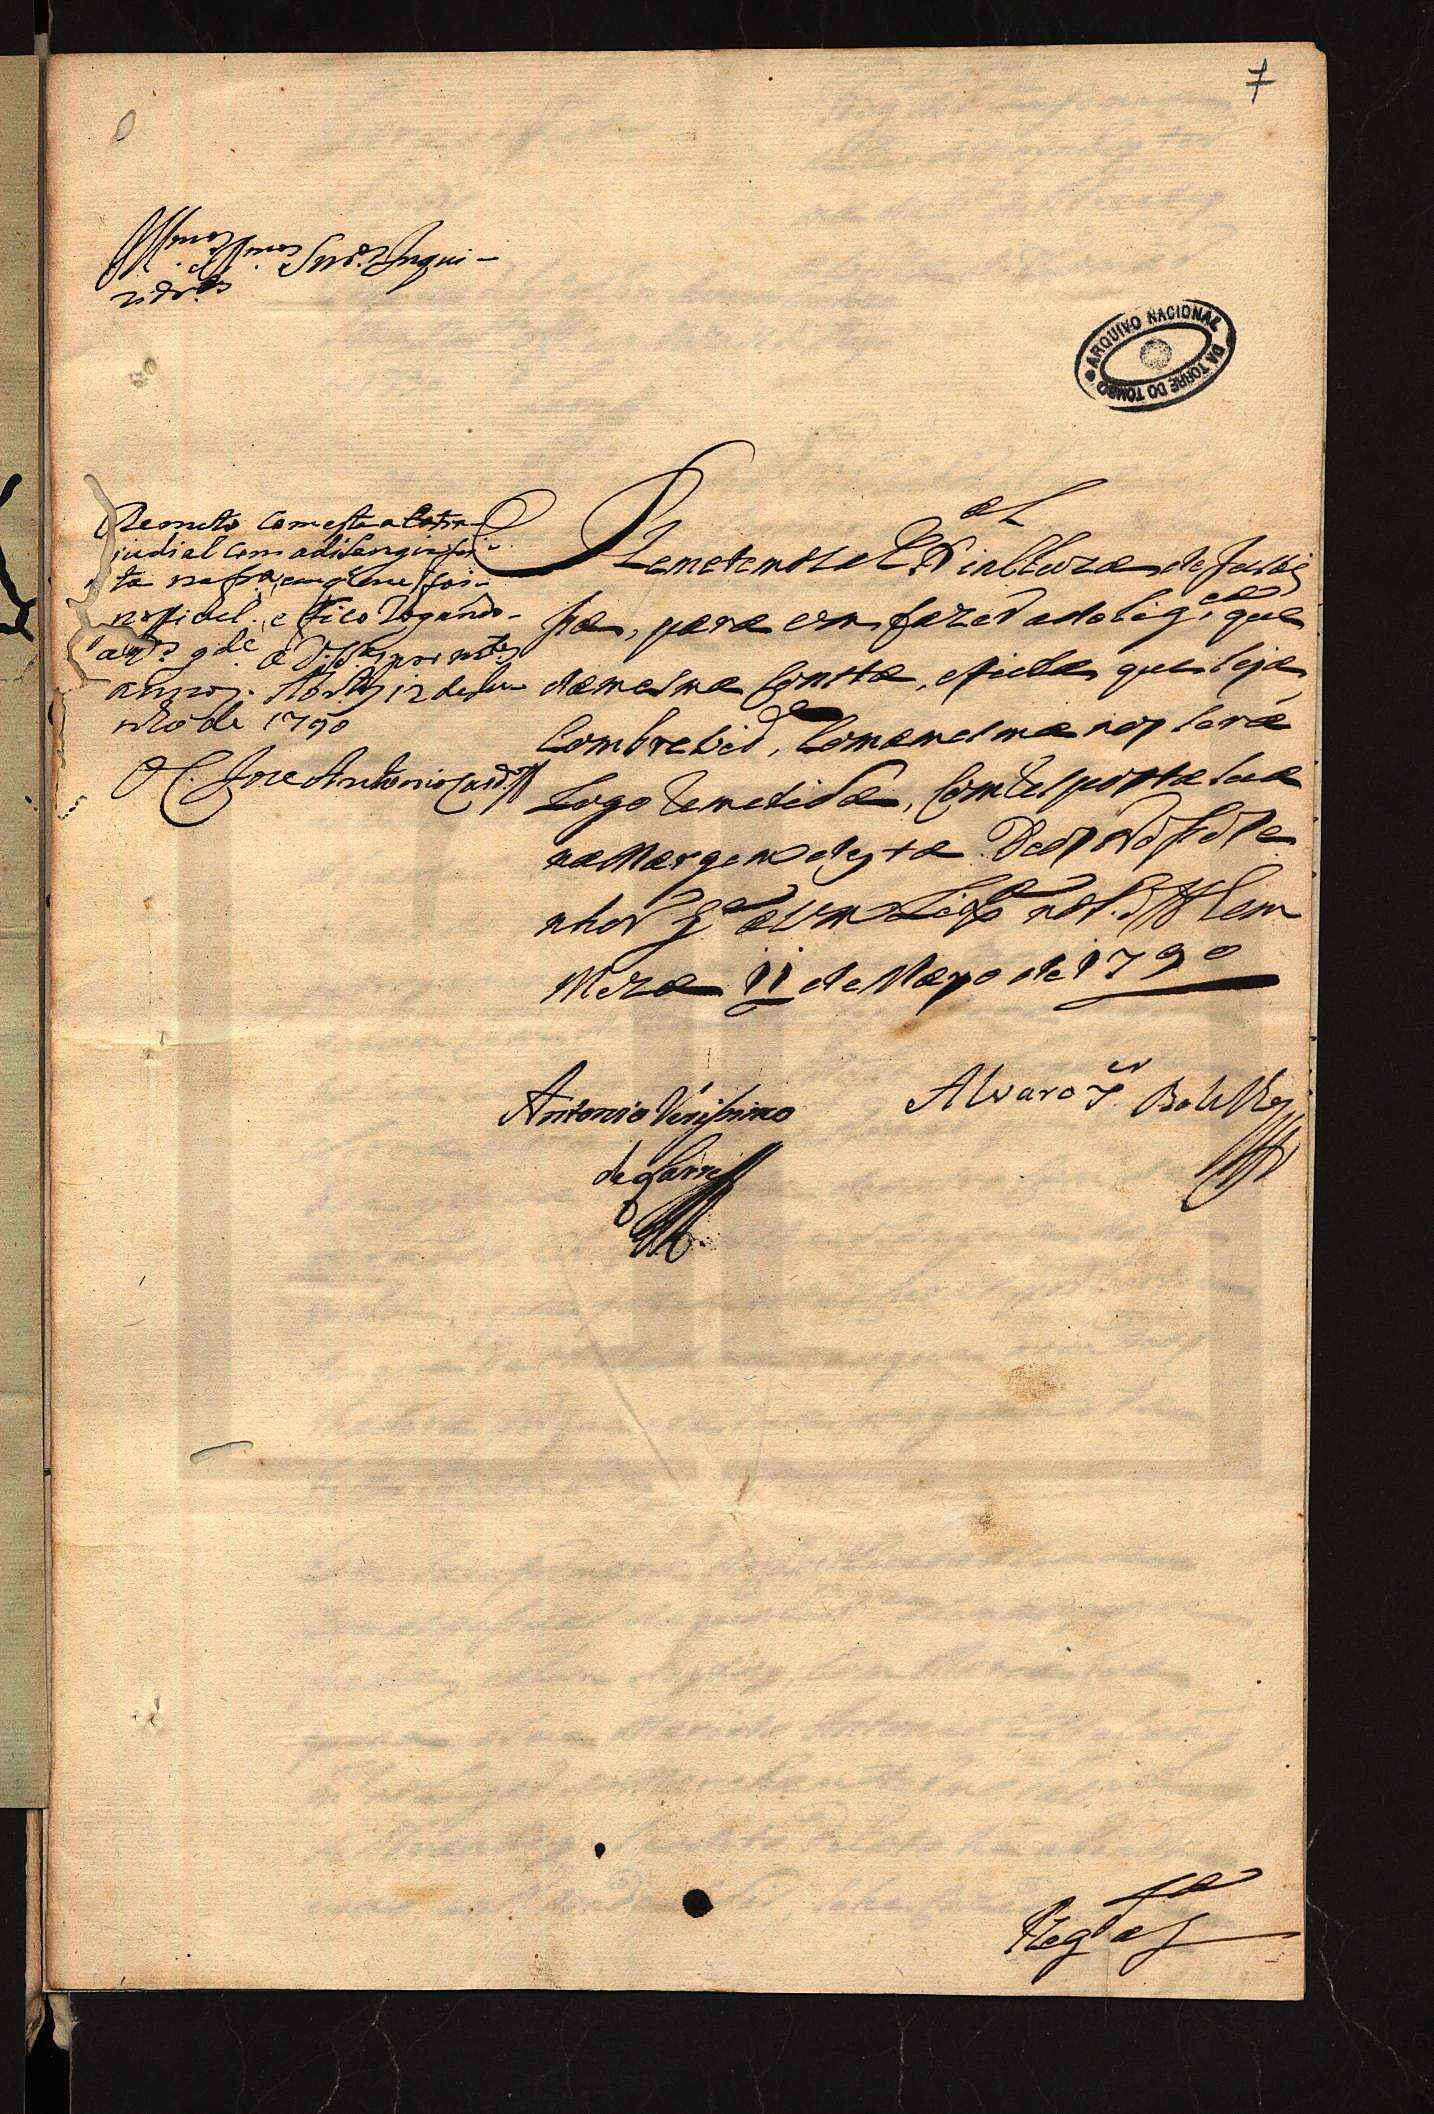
Jll.mos e R.mos Snr.es Jnqui
zidr.es
Remeto com esta a letra
judicial com a diLengia fei
ta na fr.a, em q̄ me foi
possivel., e fico Rogando
a D.s gde. a V.Ss.as por mt.os
annos. Abr.tes i2 de Ju
nho de 1790
O C. Joze Antonio Card.o
7
Remetemos a Ex.al incLuza de Justi
ssa, para vm fazer a deligça que
da mesma Consta, e feita que seja
com brevide com a mesma nos será
Logo Remetida, Com Resposta sua
na Margem desta. Deos Nosso se
nhor Ge a VM Lixa no s. offo em
Meza ii de Mayo de i790
Reg.da a f
